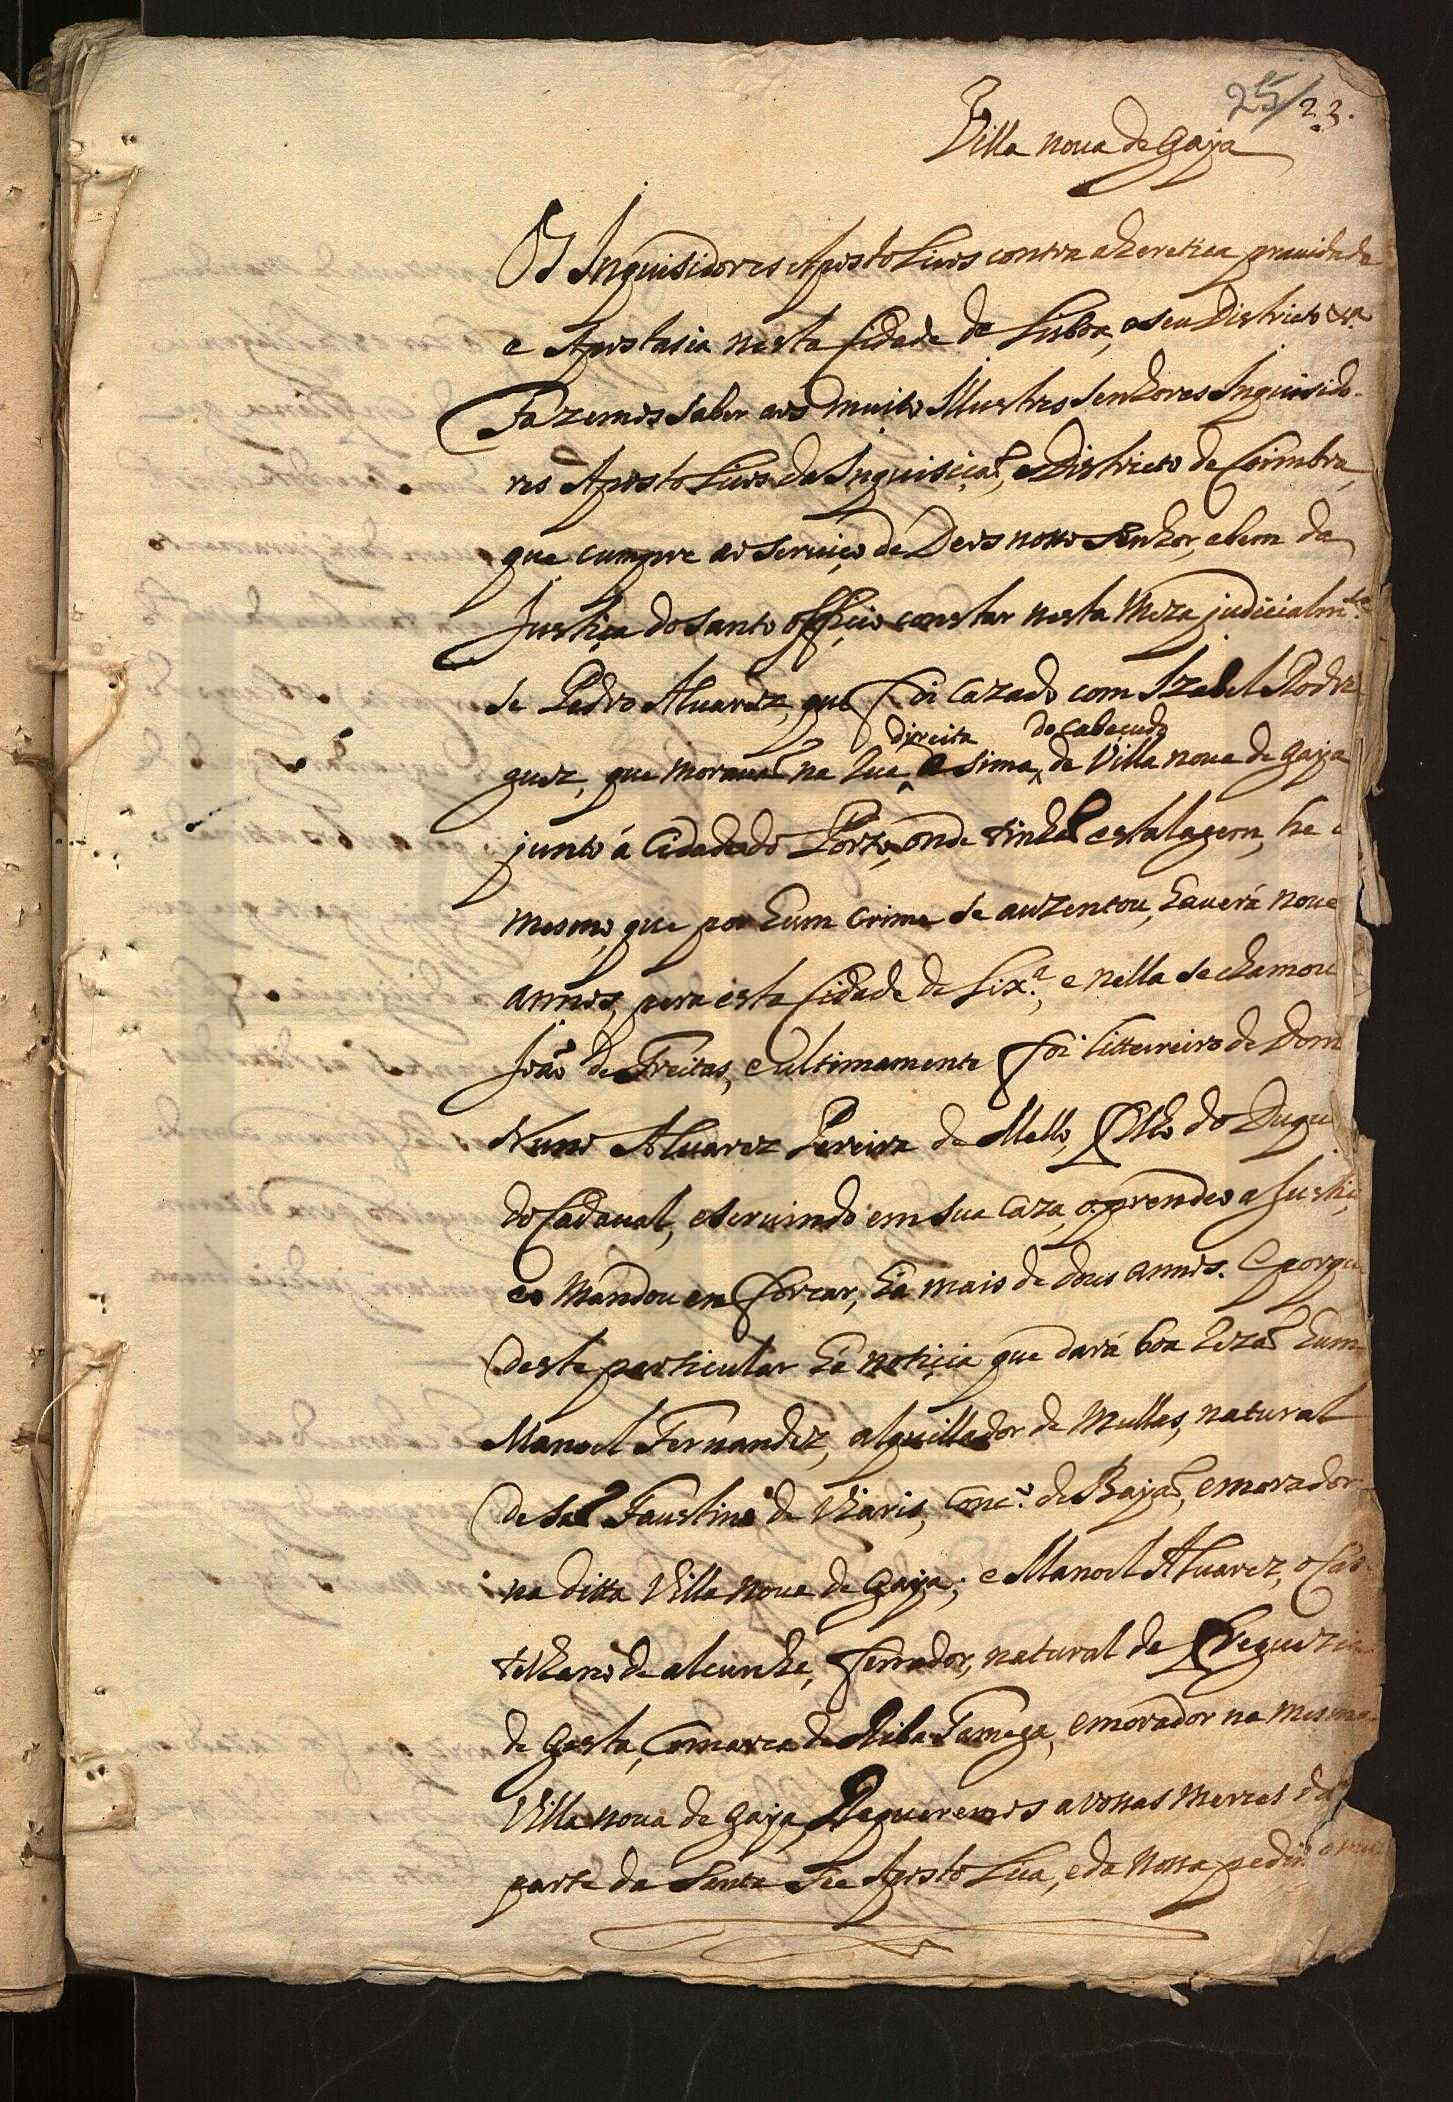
Villa noua de Gaya
Os Inquisidores Apostolicos contra a heretica prauidade
e Apostasia nesta Cidade de Lisboa, e seu Districto &.a
Fazemos saber aos muito Illustres Senhores Inquisido
res Apostolicos da Inquisiçaõ, e Districto de Coimbra
que cumpre ao seruiço de Deos nosso Senhor, e bem da
Justiça do Santo offiçio constar nesta Meza judicialmte
se Pedro Aluarez, que foi cazado com Izabel Rodri
direita do Cabeçudo
guez, que morauaõ na Rua asima, de Villa noua de Gaya
junto à Cidade do Porto, onde tinha estalagem, he o
mesmo, que por hum crime se auzentou, hauerá noue
annos, pera esta Cidade de Lix.a e nella se chamou
Joaõ de Freitas, e ultimamente foi litteireiro de Dom
Nuno Aluarez Pereira de Mello, filho do Duque
do Cadaual, e seruindo em sua caza, o prendeo a Justiça
e o mandou enforcar, há mais de dous annos. E porque
deste particular hé notiçia que dará boa Rezaõ hum
Manoel Fernandez, alquillador de mullas, natural
de Saõ Faustino de Viaris, conco. de Bayaõ, e morador
na ditta Villa noua de gaya; e Manoel Aluarez, o Cas
telhano de alcunha, ferrador, natural da freguezia
de gesta, Comarca de Riba Tamega, e morador na mesma
Villa noua de Gaya, Requeremos a vossas merces da
parte da santa see ApostoLica, e da nossa pedin
